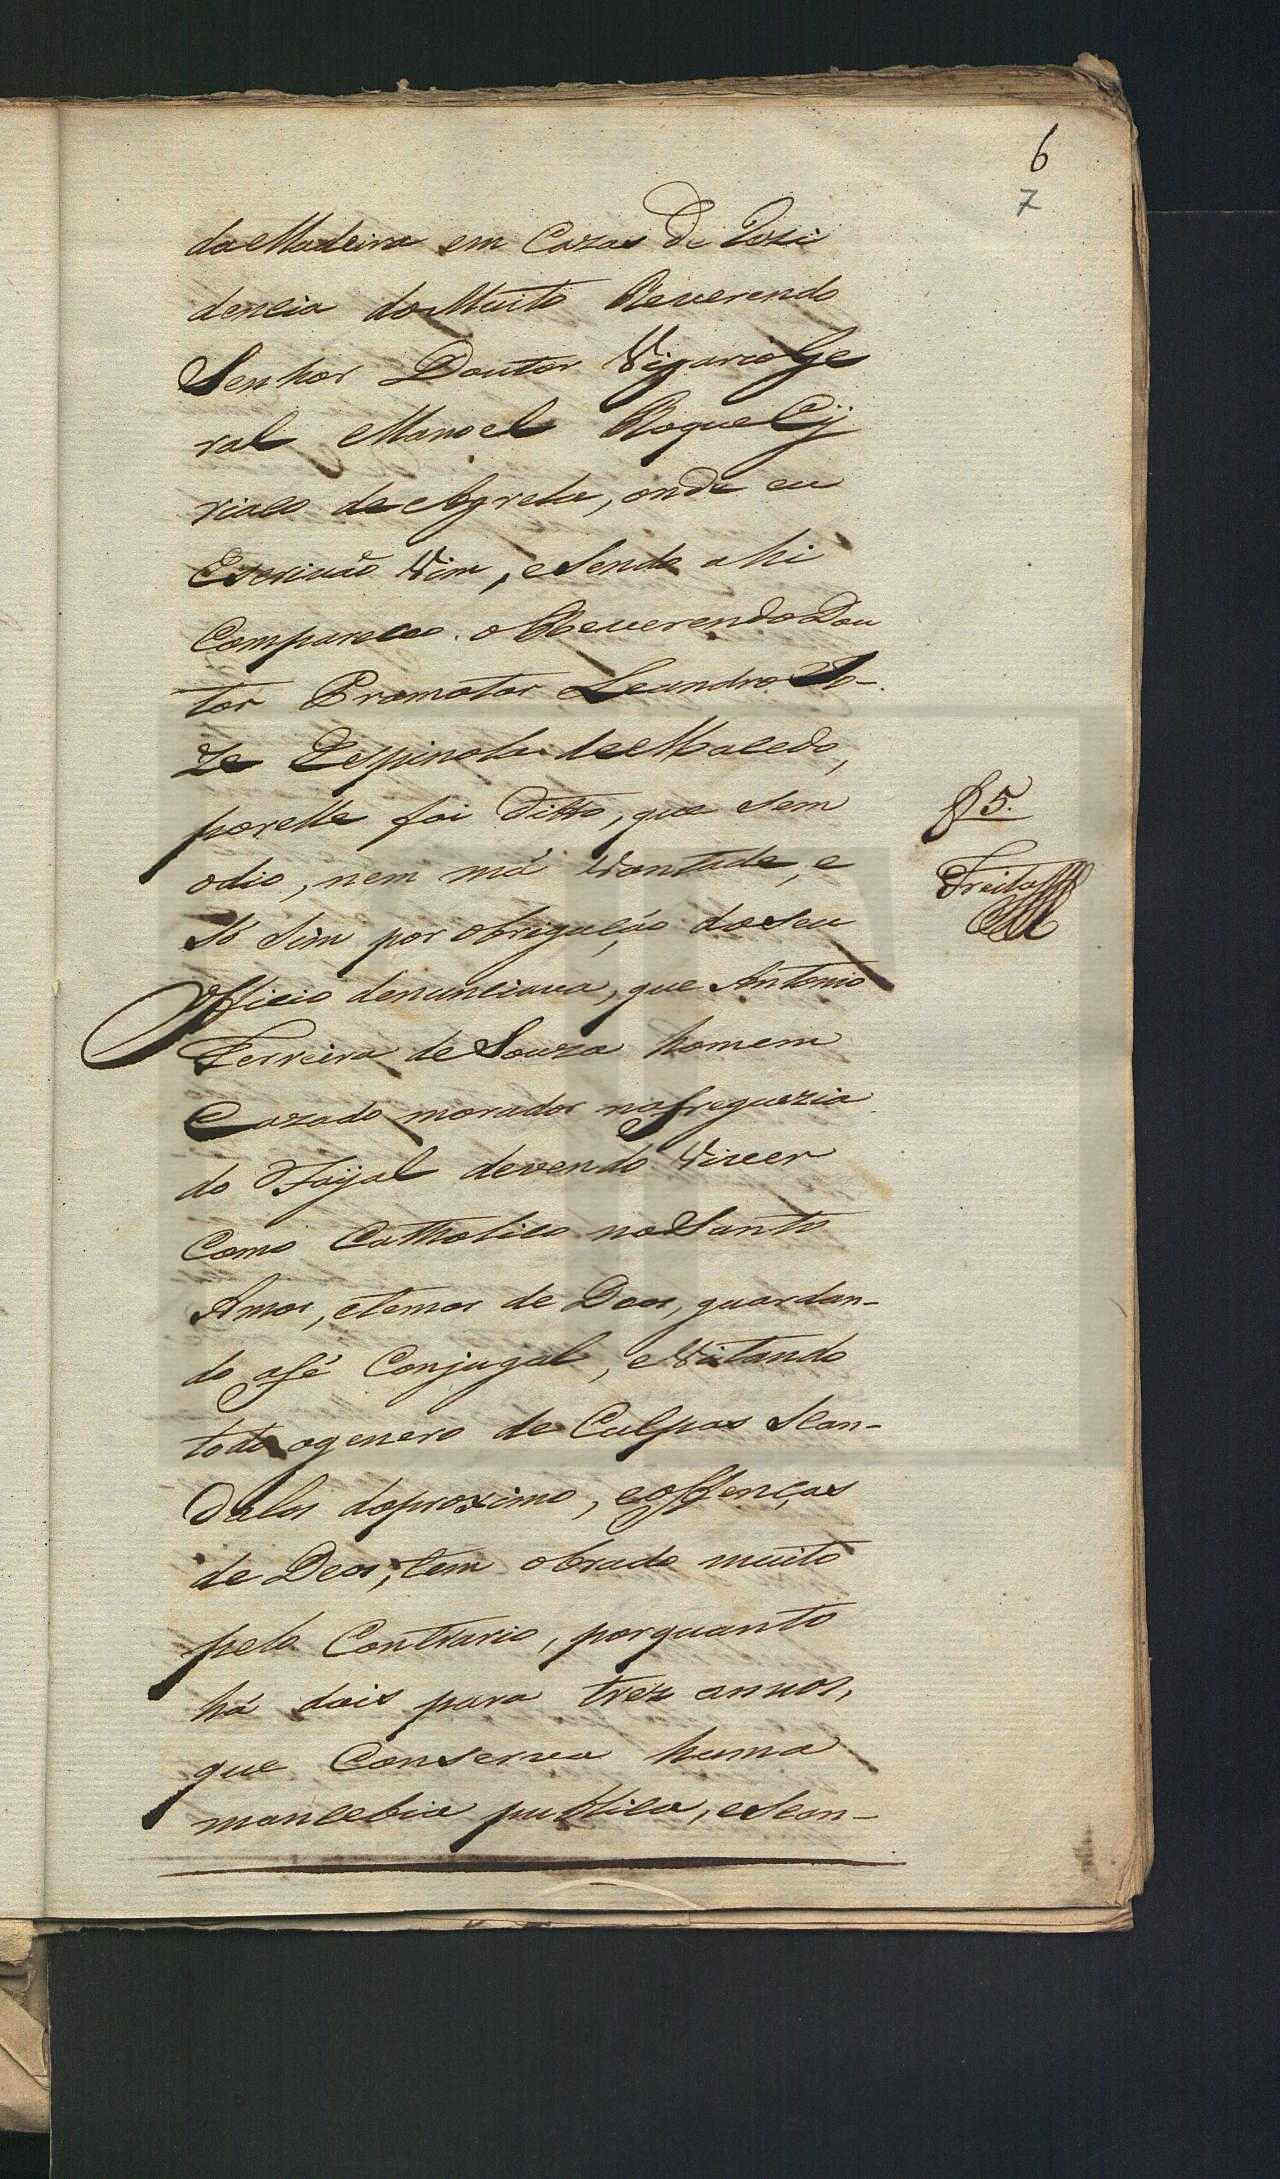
6
da Madeira em Cazas de Rezi
dencia do Muito Reuerendo
Senhor Doutor Vigario Ge
ral Manoel Roque Cy
riaco de Agrela, onde eu
Escriuaõ Vim, e Sendo ahi
Compareceo o Reuerendo Dou
tor Promotor Leandro Io
ze Espinola de Macedo,
por elle foi ditto, que sem
f5.
odio, nem má vontade, e
Freita
Só Sim por obrigação do seu
officio denunciava, que Antonio
Ferreira de Souza homem
Cazado morador na freguezia
do Fayal devendo Viuer
Como Catholico no Santo
Amor, e temor de Deos, guardan
do a fé Conjugal, eVitando
todo o genero de Culpas Scan
dalos do proximo, e offenças
de Deos, tem obrado muito
pelo Contrario, porquanto
há dois para trez annos,
que Conserva huma
mancebia publica, e Sem
